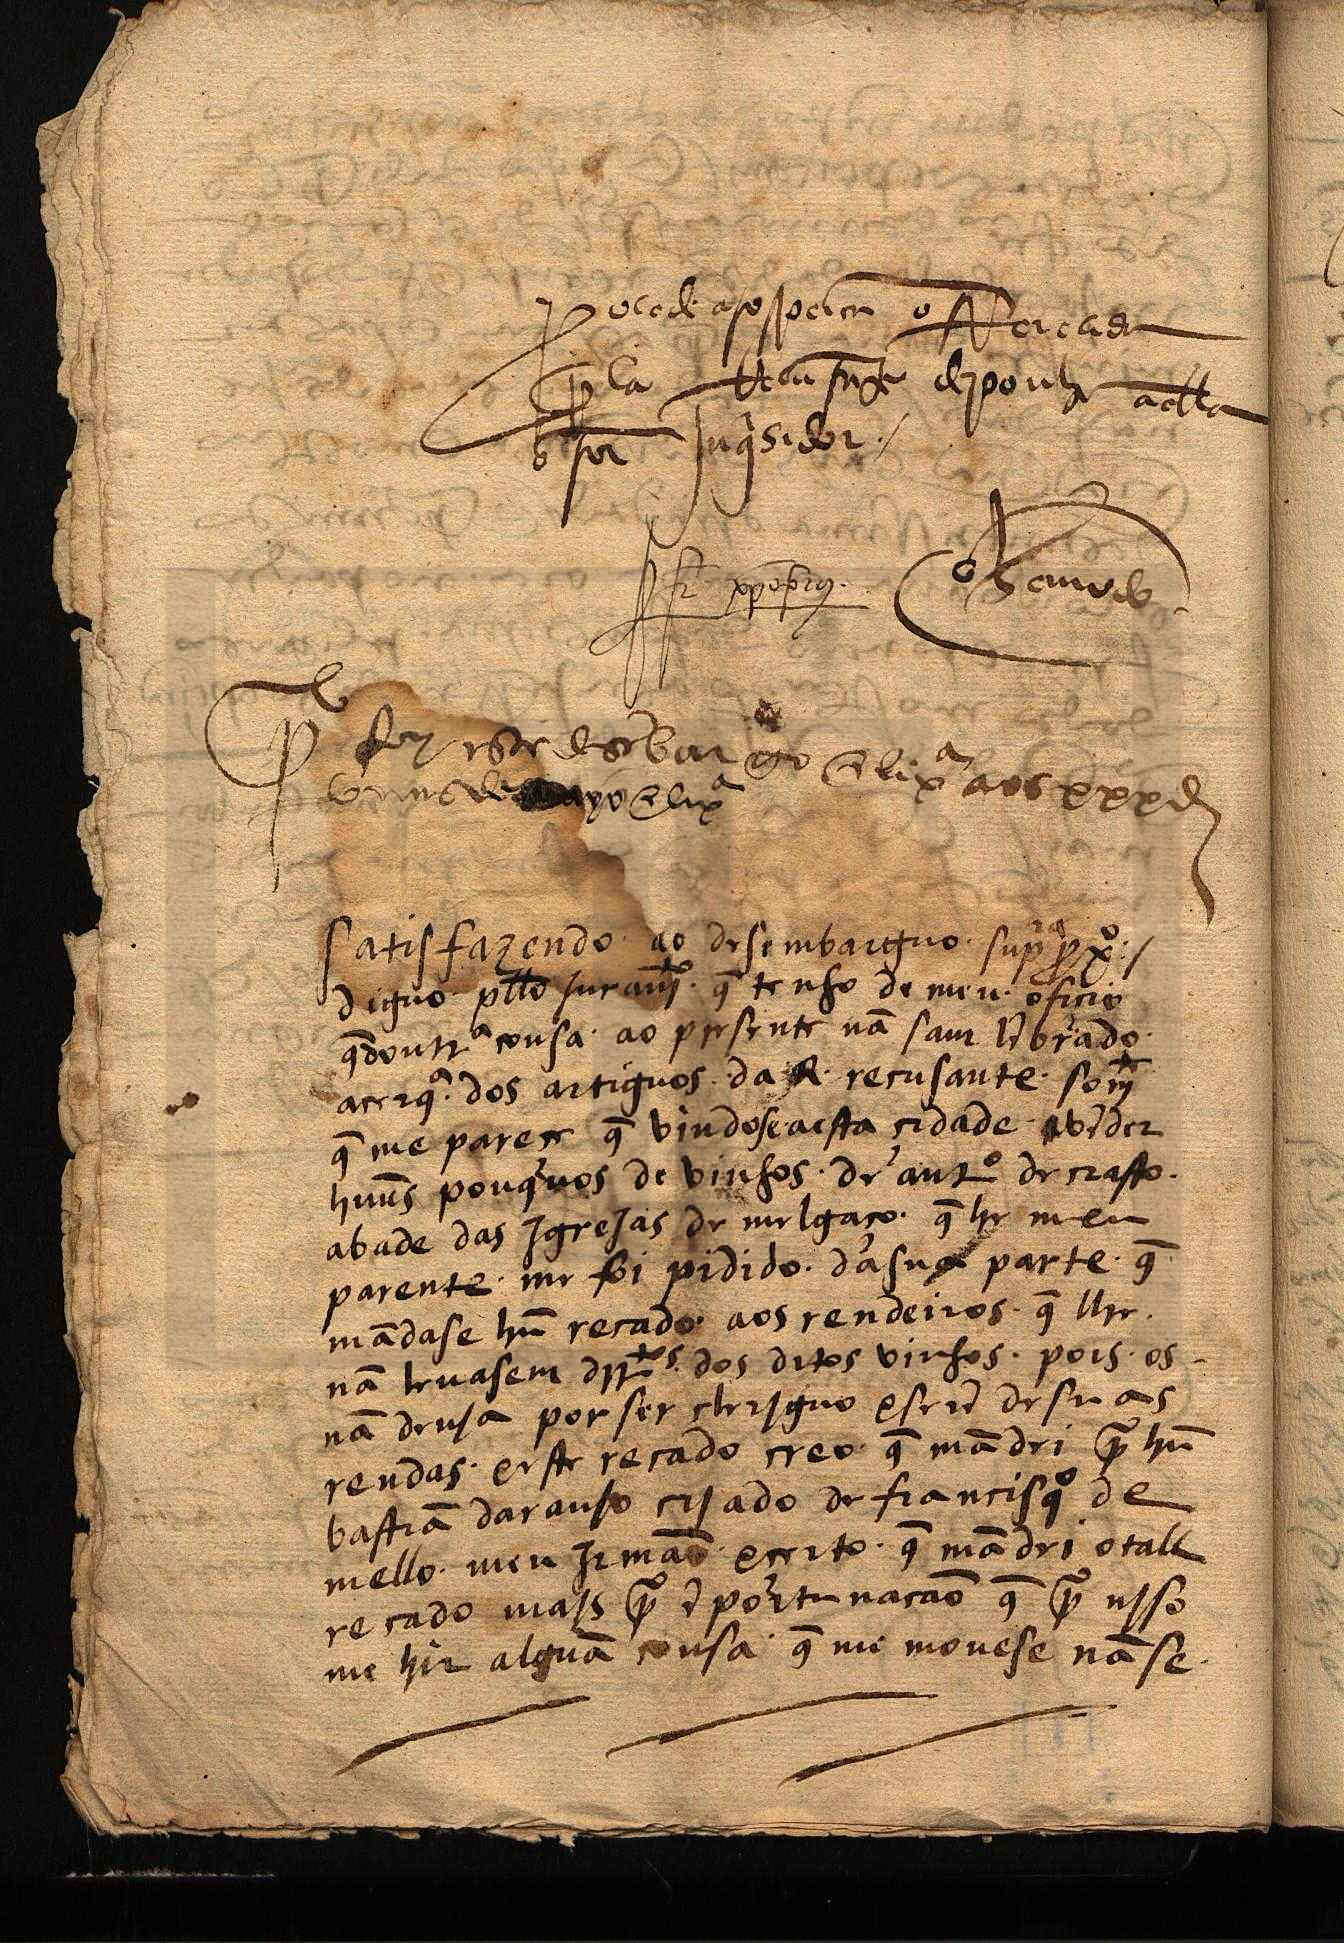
Ꝓocede a sospeiçā offerecida
p̄la Recusāte deponha a ella
o s̄or Jnqisidor ./
fr̄ xp̄oforꝯ.
themudo
Pdo foy este desēbargo ē lixa aos xxx dj
do mes de mayo ē lixa
satisfazendo ao desembarguo supra ꝓxo./
diguo pl̄lo Juramto. q̄ tenho de meu oficio
q̄ doutra cousa. ao presente nā sam lēbrado
acerqa. dos artiguos da .R. recusante. somte
q̄ me parece q̄ vindose a esta cidade a vēder
huūs pouquos de vinhos. de anto de crasto
abade das JgreJas de melgaço. q̄ he meu
parente. me foi pidido da sua parte. q̄
mādase hū recado aos rendeiros q̄ lhe
nā leuasem drrtos dos ditos vinhos. pois os
nā deuja por ser clerjguo e serē de suas
rendas. e este recado creo q̄ mādei p̄o hū
bastiā darauJo crjado de francisqo de
mello. meu Jrmão e certo q̄ mādei o tall
recado majs p̄ ēportunação q̄ p̄o nJso
me hir alguā cousa q̄ me mouese nā se
